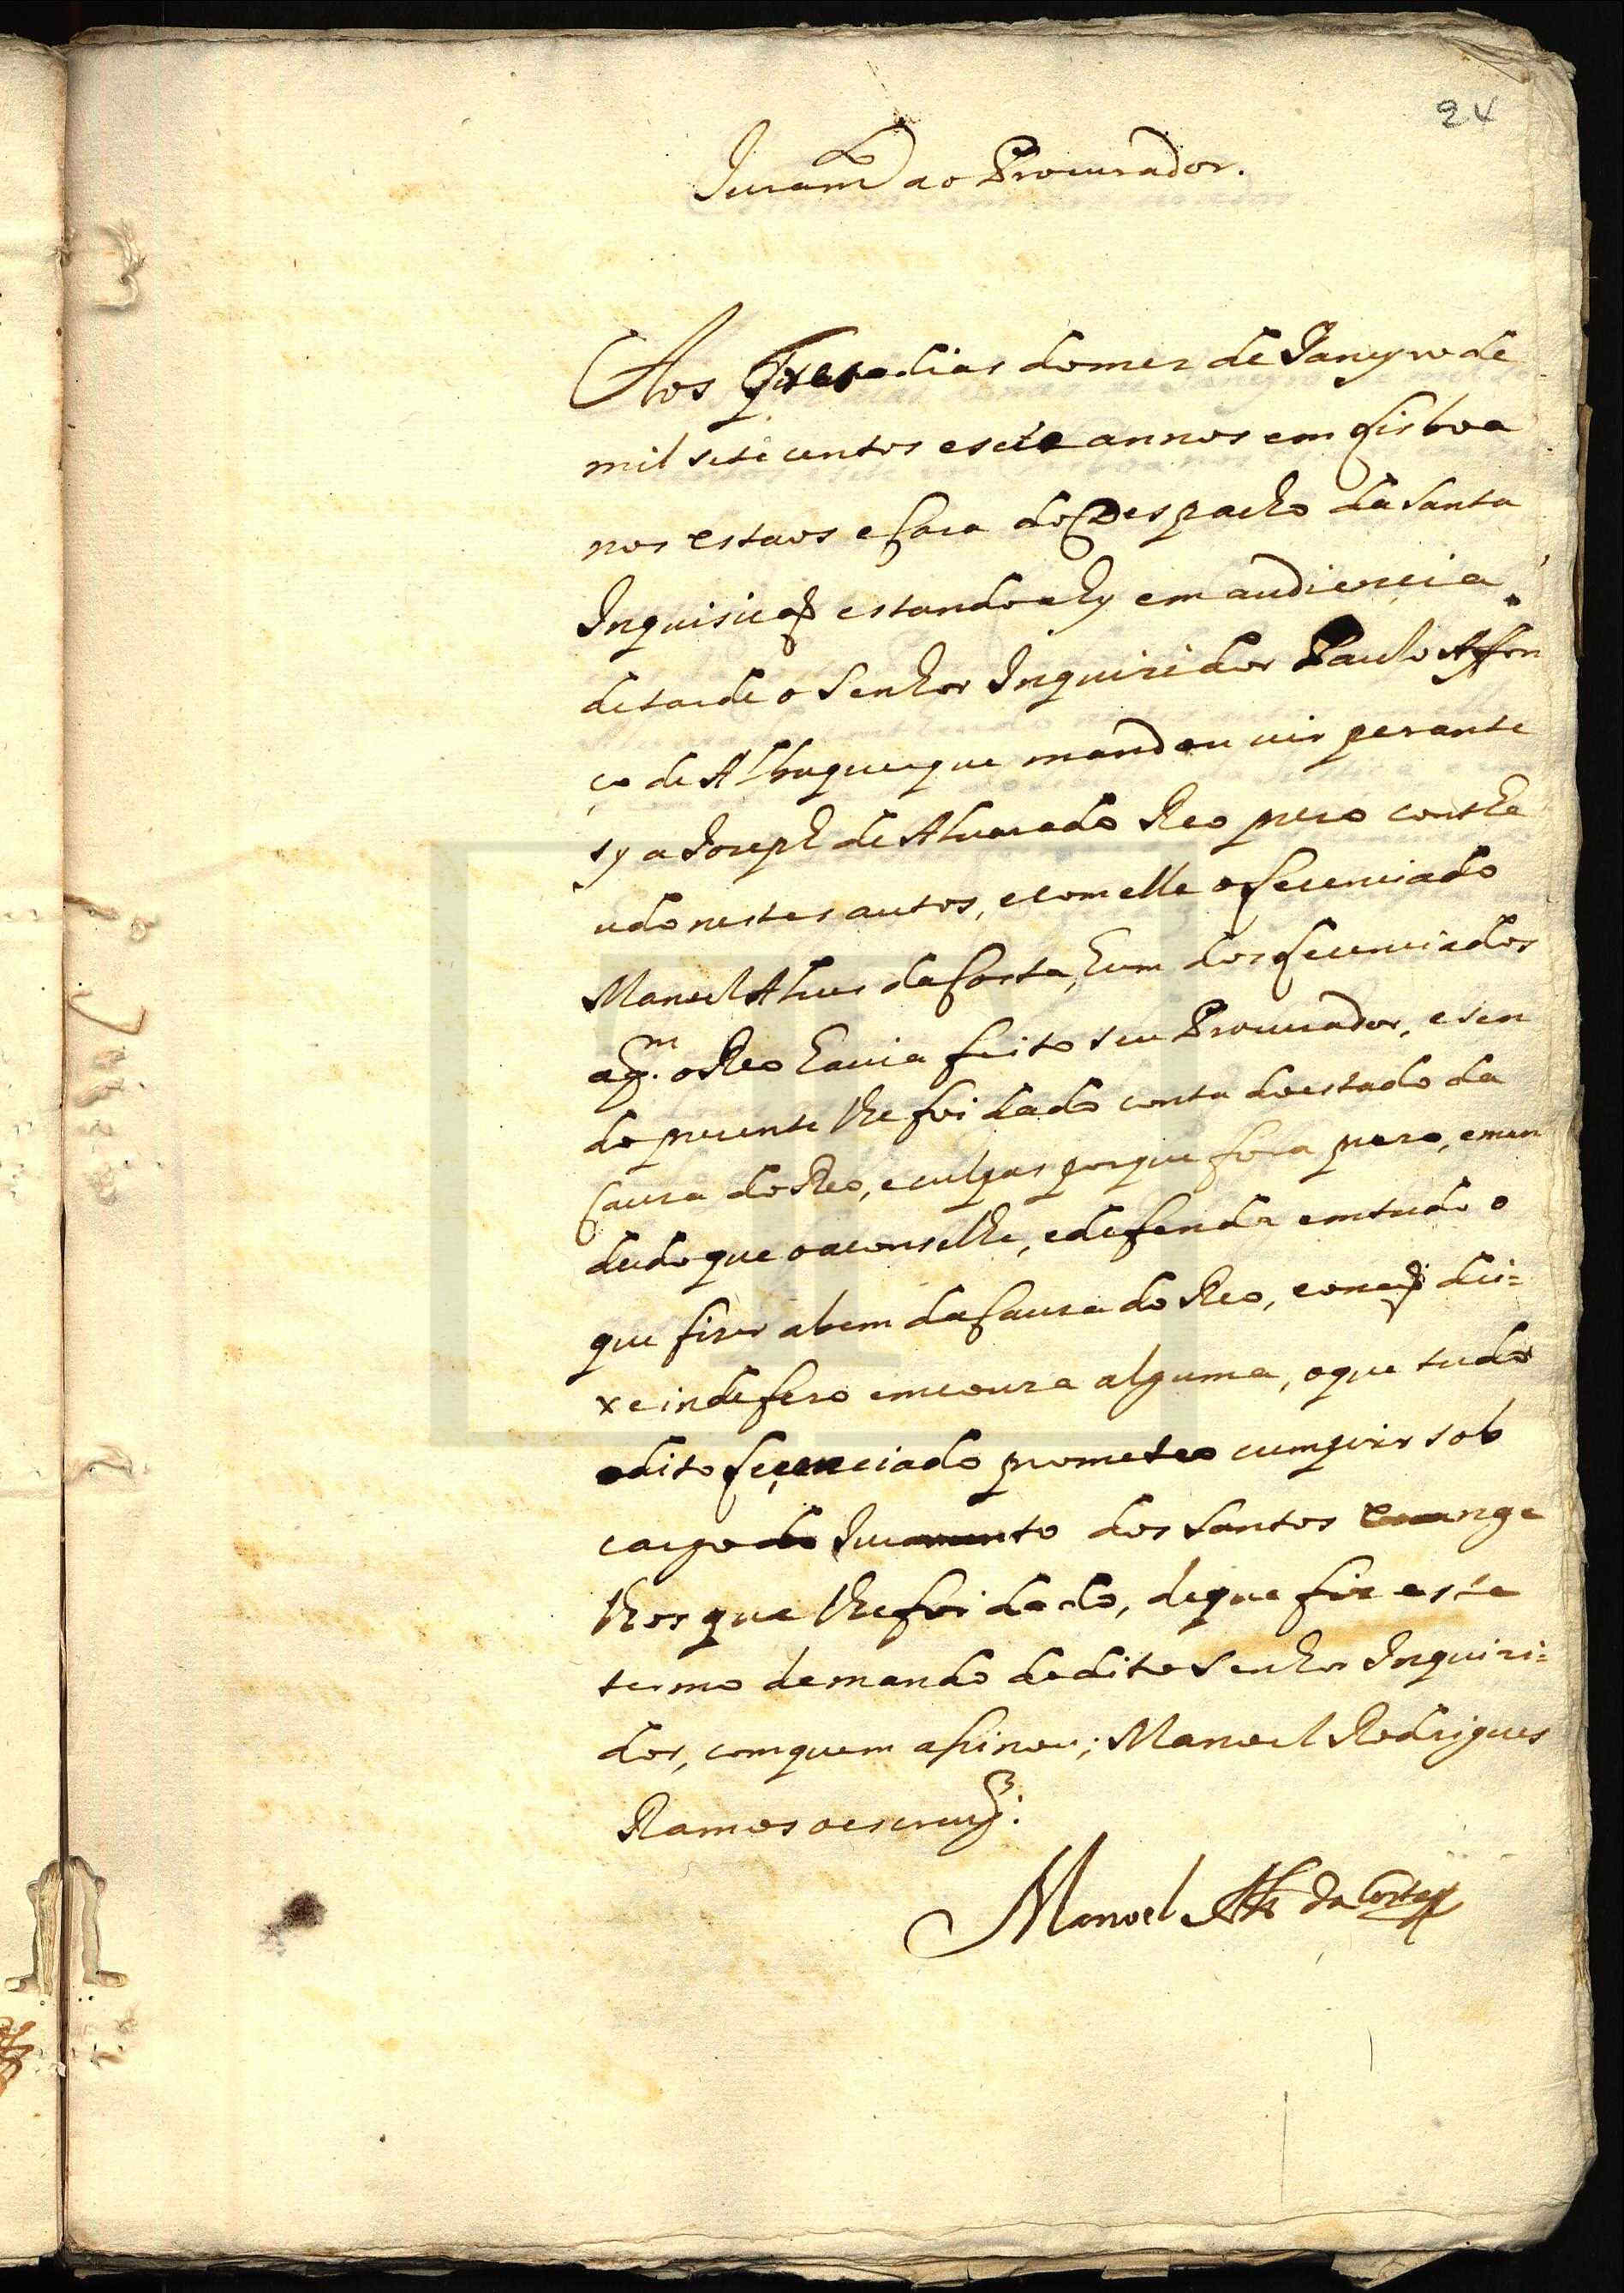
Iuram.to ao Procurador.
Aos Trese dias do mes de Ianeyro de
mil setecentos e sete annos em Lisboa
nos estaos e Caza do Despacho da Santa
Inquisiçaõ estando ahy em audiencia
de tarde o Senhor Inquizidor Paulo Affon
ço de Albuquerque mandou uir perante
sy a Iozeph de Aluarado Reo prezo conthe
udo nestes autos, e com elle o Lecenciado
Manoel Alues da Costa, hum dos Lecenciados
a q.m o Reo hauia feito seu Procurador, e sen
do prezente lhe foi dado conta do estado da
Cauza do Reo, e culpas porque fora prezo, e man
dado que o aconselhe, e defenda em tudo o
que fizer a bem da Cauza do Reo, e o naõ dei
xe indefezo em couza alguma, o que tudo
o dito Lecenciado prometeo cumprir, sob
cargo do Iuramento dos santos euange
lhos que lhe foi dado, de que fiz este
termo de mando do dito senhor Inquizi
dor, com quem assinou; Manoel Rodrigues
Ramos o escreuj:
Manoel Alz̄ da Costa
